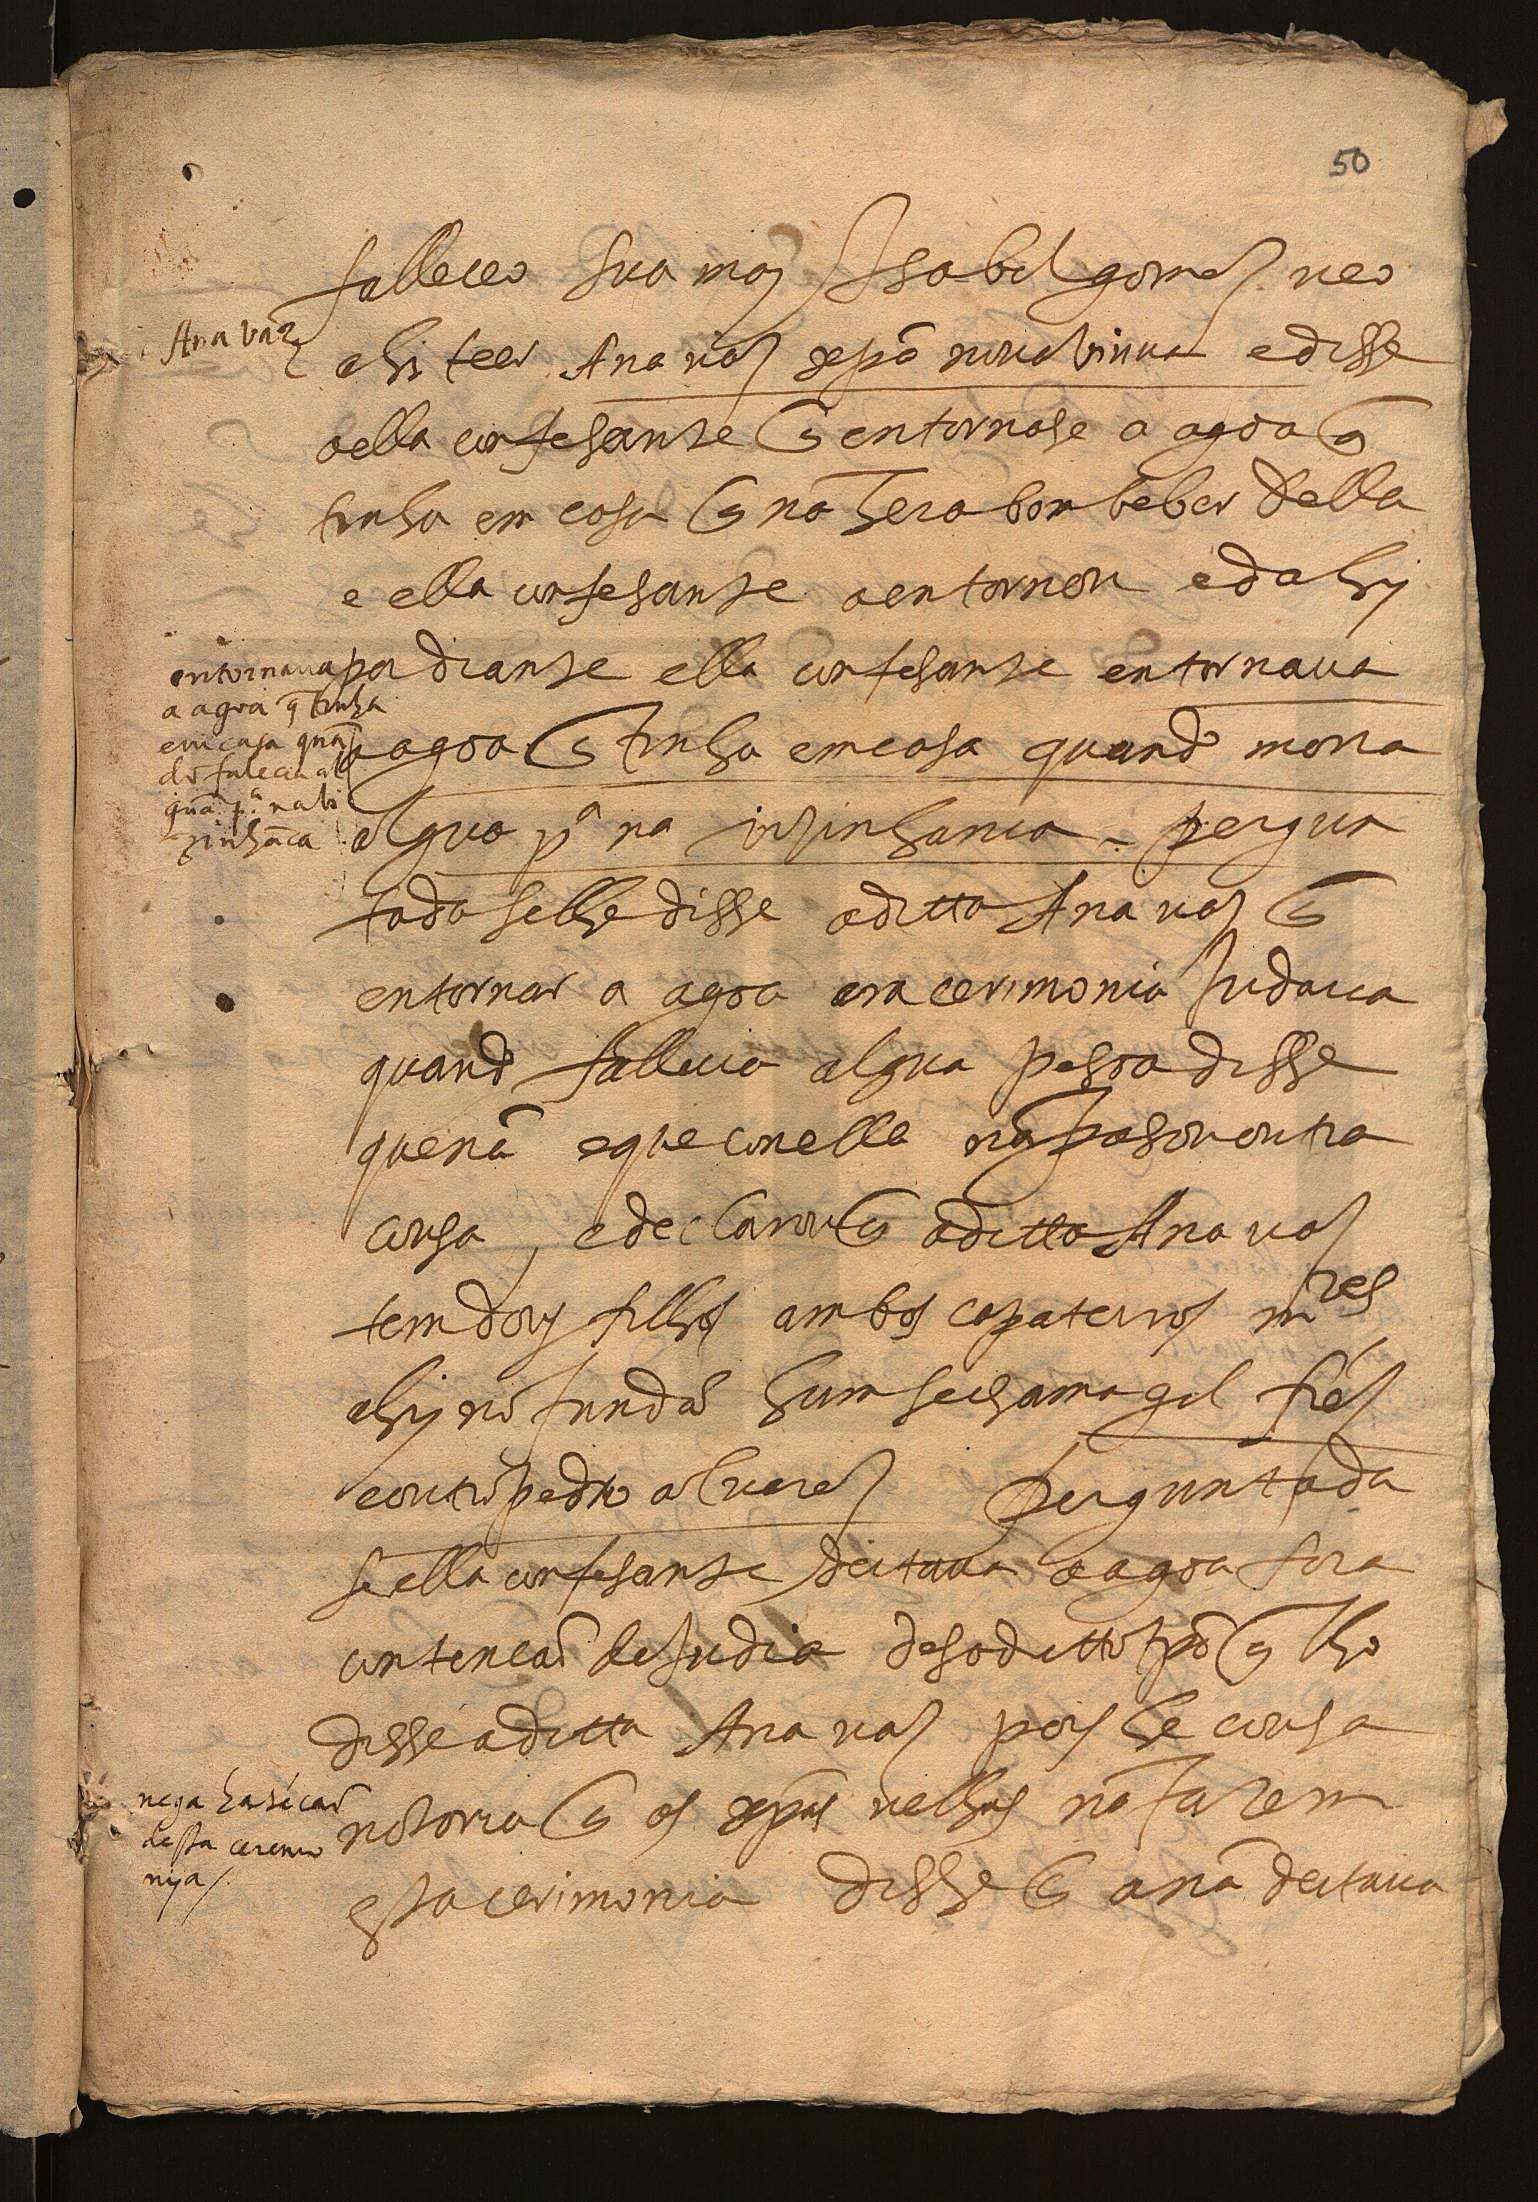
falleceo sua maj Jsabel gomez ueo
ahi teer Ana uaz xpā noua viuua e disse
a ella confesante q̄ entornase a agoa q̄
tinha em casa q̄ nā hera bom beber della
e ella confesante a entornou e dahy
por diante ella confesante entornaua
a agoa q̄ tinha em casa quando moria
algua pa na vizinhanca. pergun
tada se lhe disse a ditta Ana uaz q̄
entornar a agoa era cerimonia Judaica
quando fallecia algua pesoa disse
que nā e que con ella nā pasou outra
cousa, e declarou q̄ a ditta Ana uaz
tem dous filhos ambos capateiros mres
ahy no fundão hum se chama gil frēz
e outro pedro aluares Perguntada
se ella confesante deitaua a agora fora
com tencaõ de Judia des o ditto tpō q̄ lho
disse a ditta Ana uaz pois he cousa
notoria q̄ as xpãs uelhas nō fazem
esta cerimonia disse q̄ a nā deitaua
